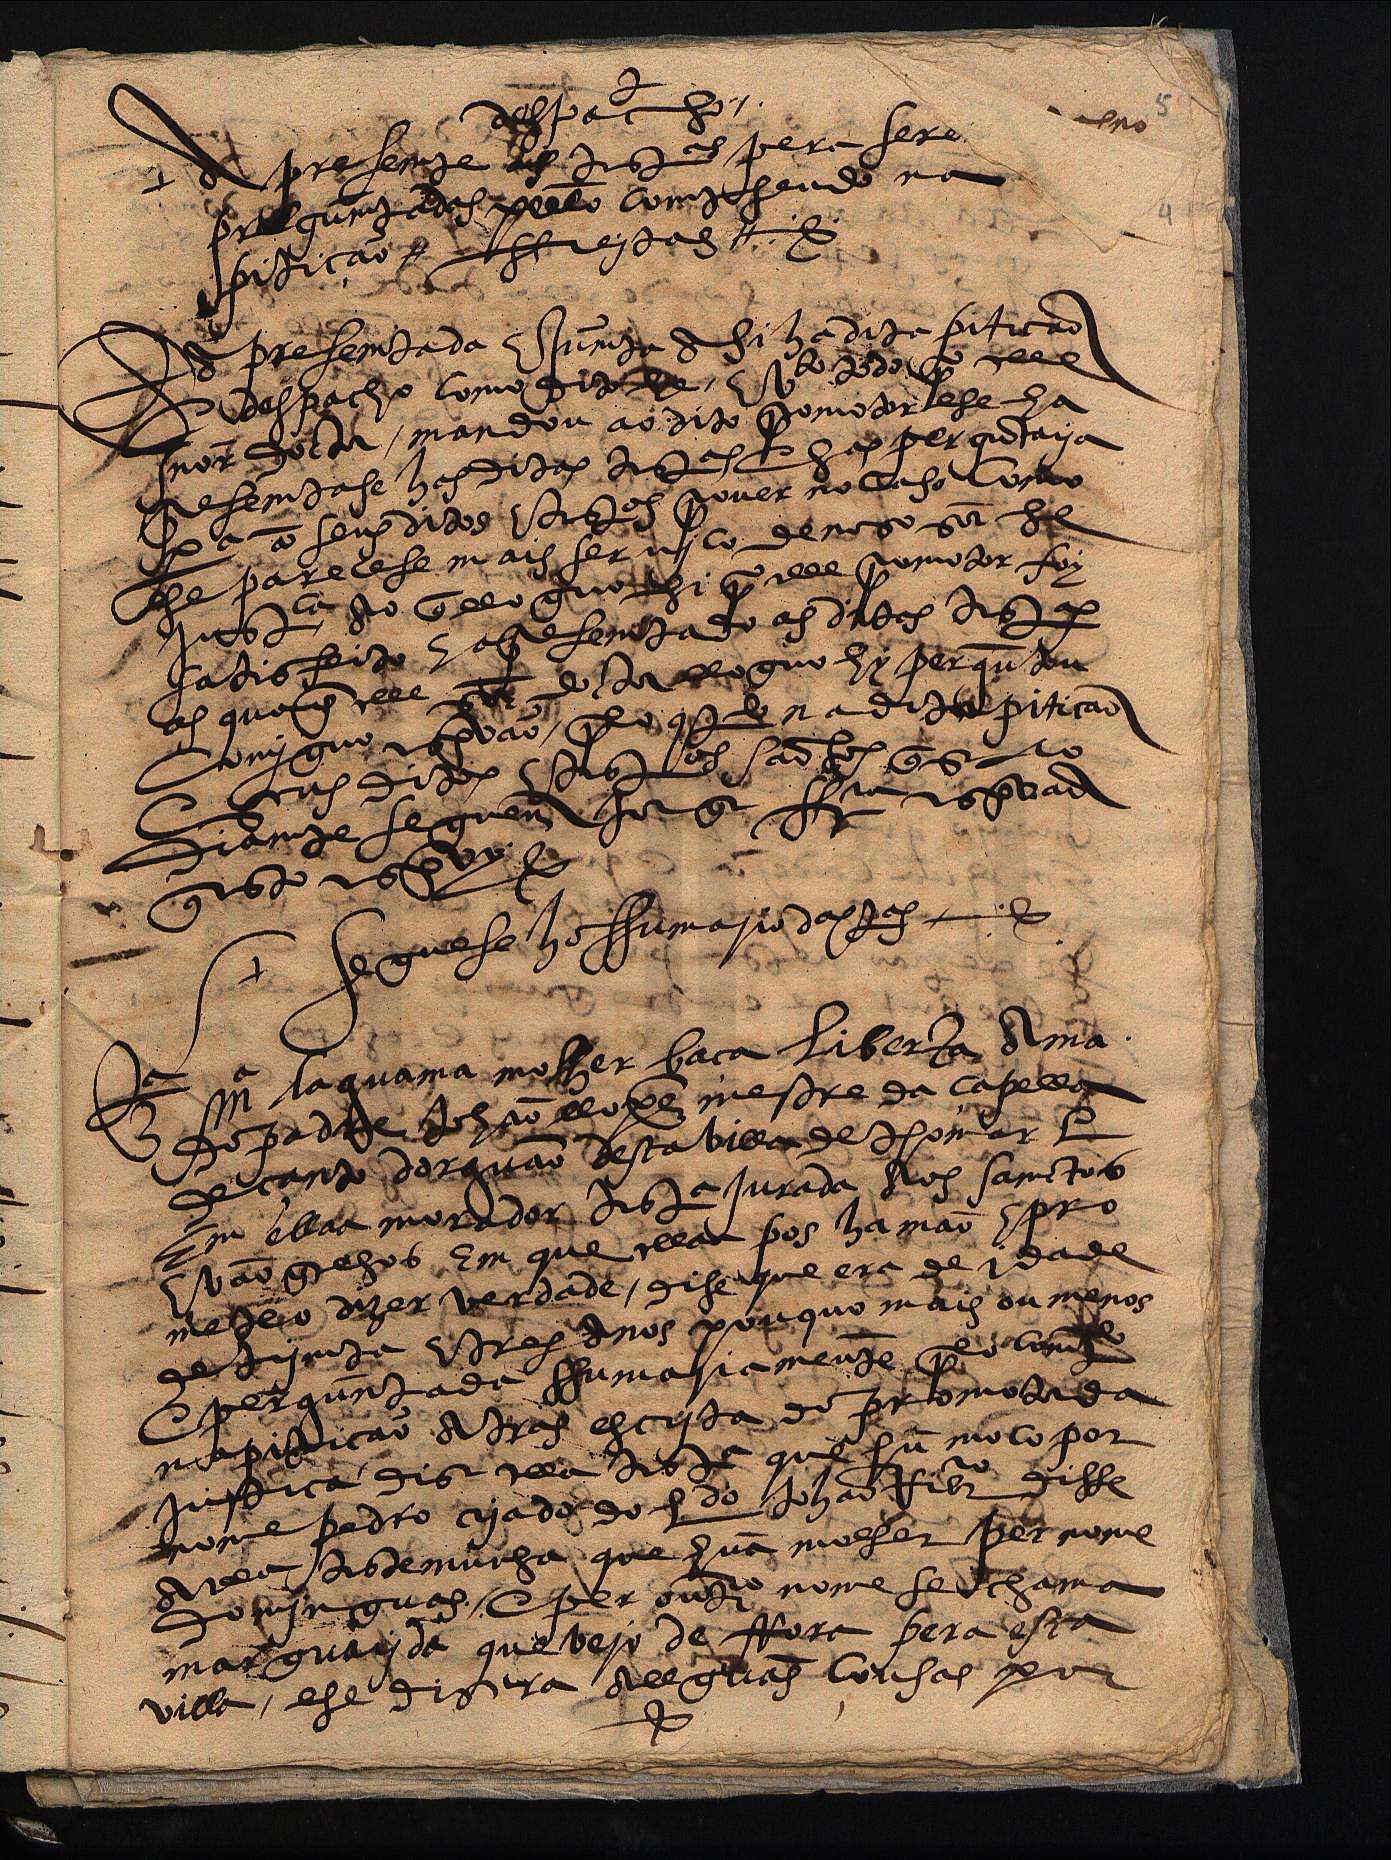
despacho ./.
Apresemte as testas pera sere
pregūmtadas pell̄o comtheudo na
pitiçaõ
ffrejtas
E Apresemtada E Jūmta Asi ha dita piticão
e despacho como dito he, E vto todo p̄o elle
snor̄ doctor / mandou ao dito promotor lhe ha
presemtase has ditas testas e has pergūtarja
ꝑa c̄o seus ditos E testas prouer no caso Como
lhe parecese mais serujco de noso sōr he
Justca, Ao q̄ lloguo asi p̄o elle promotor foy
satisfeito E apresemtado as ditas testas
as quais elle sōr doctor lloguo hy pergūtou
Comjguo esp̄vaõ / p̄lo ꝯtdo na dita piticão
e seus ditos E testos são hos q̄ se ao
diamte seguem̄ Jorge ffrra esp̄vão
q̄ esto esp̄vy
Seguese ho ssumario das tas
ta item ma da guama molher baça Liberta Ama
do padre Johaõ llopez̄ mestre da capella
de çanto darguão desta villa de thomar E
Em ellaa morador testa Jurada Aos samctos
Evãogelhos Em que ellaa pos ha maõ E pro
meteo dizer verdade / dise que era de idade
de trjmta E tres Anos pouquo mais ou menos
e pergūntada ssumariamente p̄lo comtdo
na pitiçaõ Atras escrjta do promotor da
Justica dise ella testa que hū moco por
nome pedro crjado do Ldo Johão Ribro disse
A ella testemunha que huā molher per nome
domjnguas ./. e per outro nome se chama
marguarjda que vejo de ffora pera esta
villa, lhe disera Allguās Cousas por
